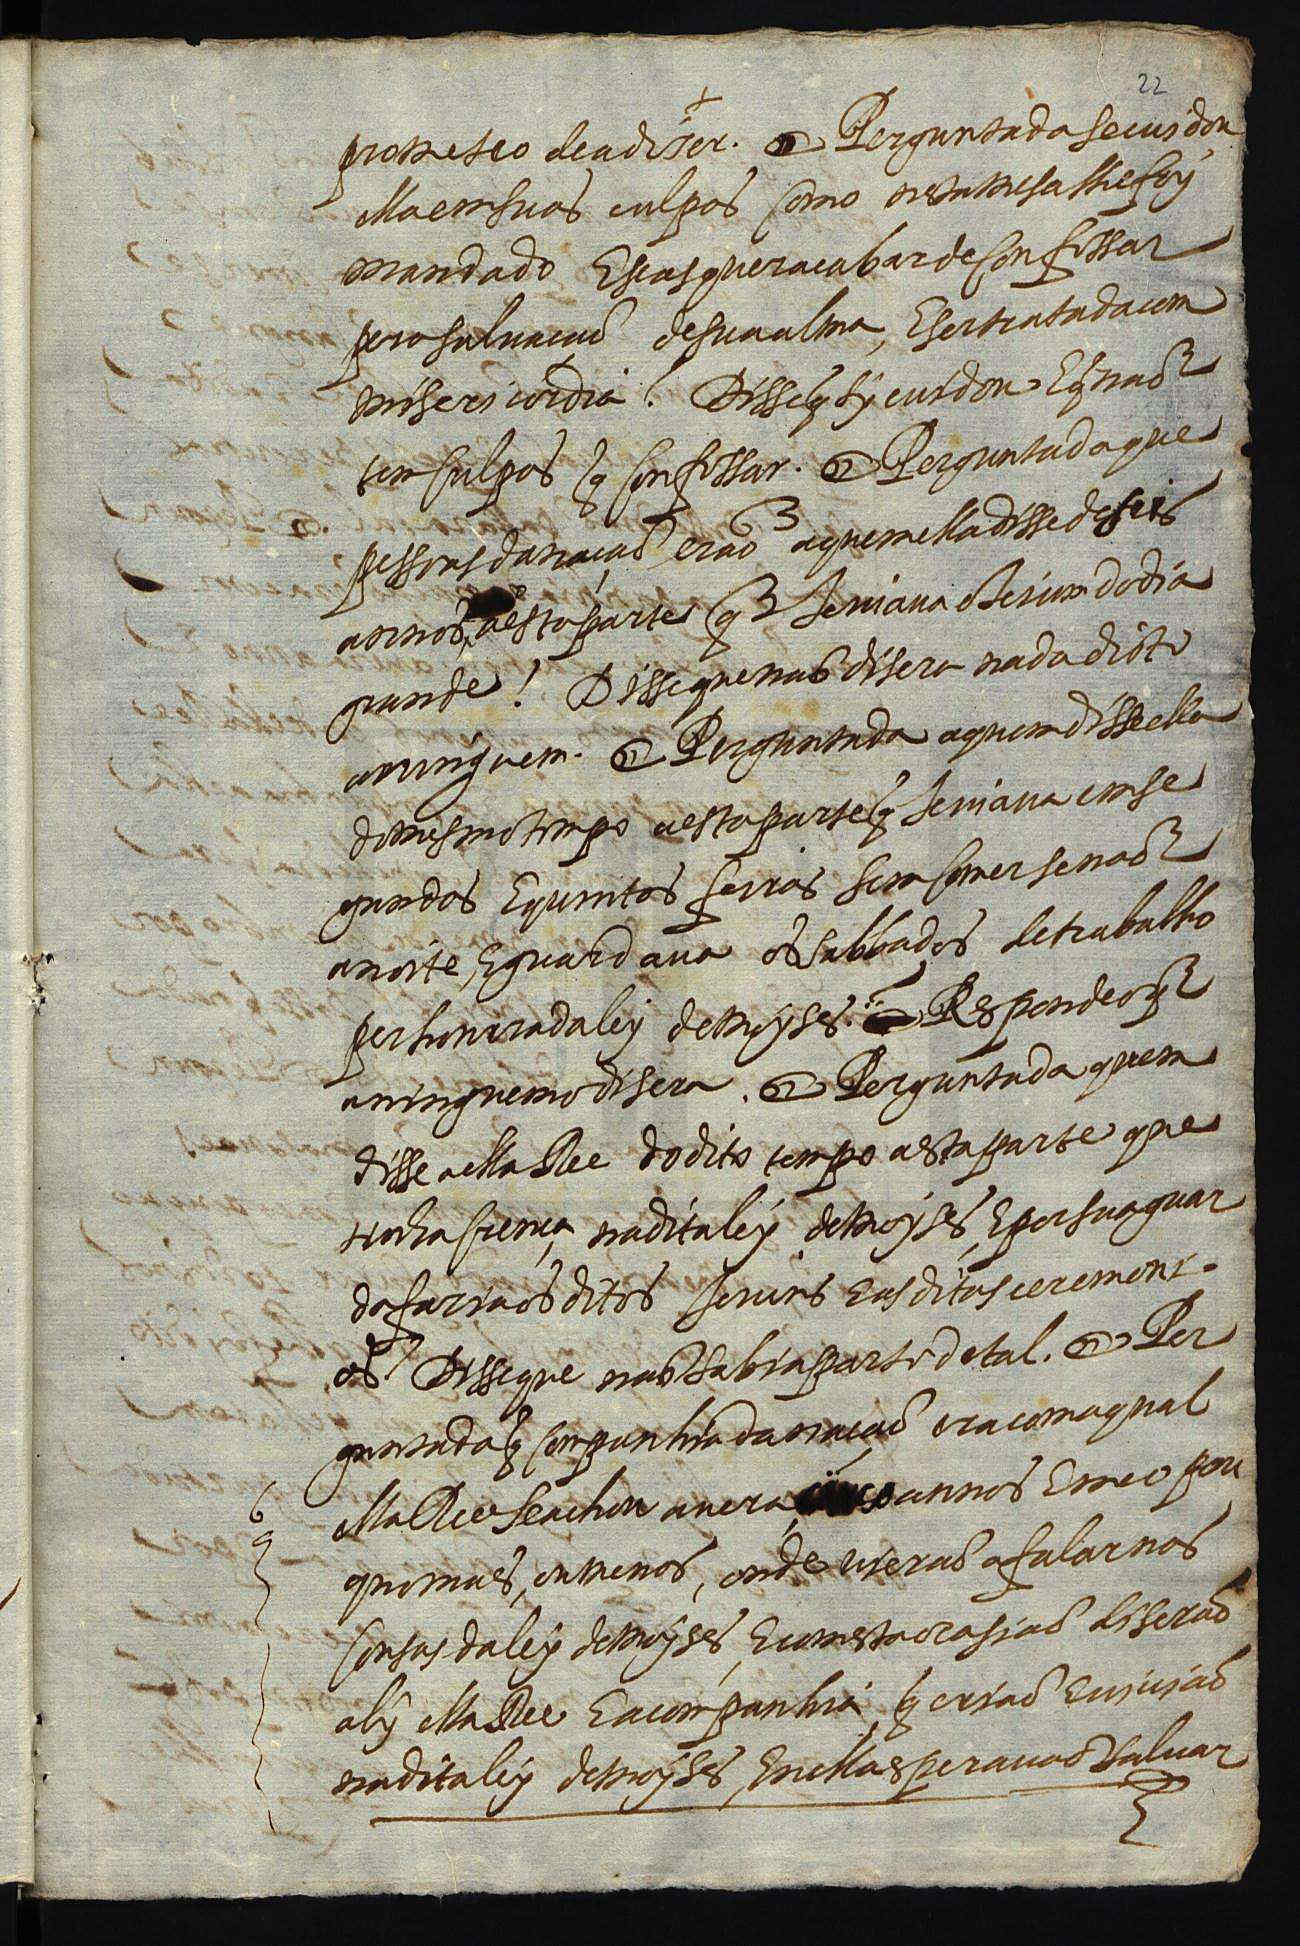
prometeo de a diser. ⁋ Perguntada se cuidou
ella em suas culpas Como nesta mesa lhe foy
mandado E se as quer acabar de Confessar
pera saluaçaõ de sua alma, E ser tratada com
misericordia? Disse q̄ sy cuidou E q̄ naõ
tem Culpas q̄ Confessar. ⁋ Perguntada que
pessoas da naçaõ eraõ a quem ella disse de seis
annos, a esta parte q̄ Jeiuaua o Ieium do dia
grande? Disse que naõ disera nada disto
a ninguem. ⁋ Perguntada a quem disse ella
do mesmo tempo a esta parte q̄ Ieiuaua em se
gundas E quintas feiras sem Comer senaõ
a noite, E guardaua os sabbados de trabalho
per honrra da ley de moyses? Respondeo q̄
a ninguem o disera. ⁋ Perguntada quem
disse a ella Ree do dito tempo a esta parte que
tinha Crença na dita ley de moyses, E per sua guar
da fazia aos ditos Jeiuns E as ditas ceremoni
as Disse que naõ sabia parte de tal. ⁋ Per
guntada q̄ Companhia da naçaõ era com a qual
ella Ree se achou auera ___co annos E meo pou
quo mais, ou menos, onde uieraõ a falar nas
Cousas da ley de moyses, E com esta ocasiaõ diseraõ
aly ella Ree E a companhia q̄ criaõ e uiuiaõ
na dita ley de moyses, E nella esperauaõ saluar
